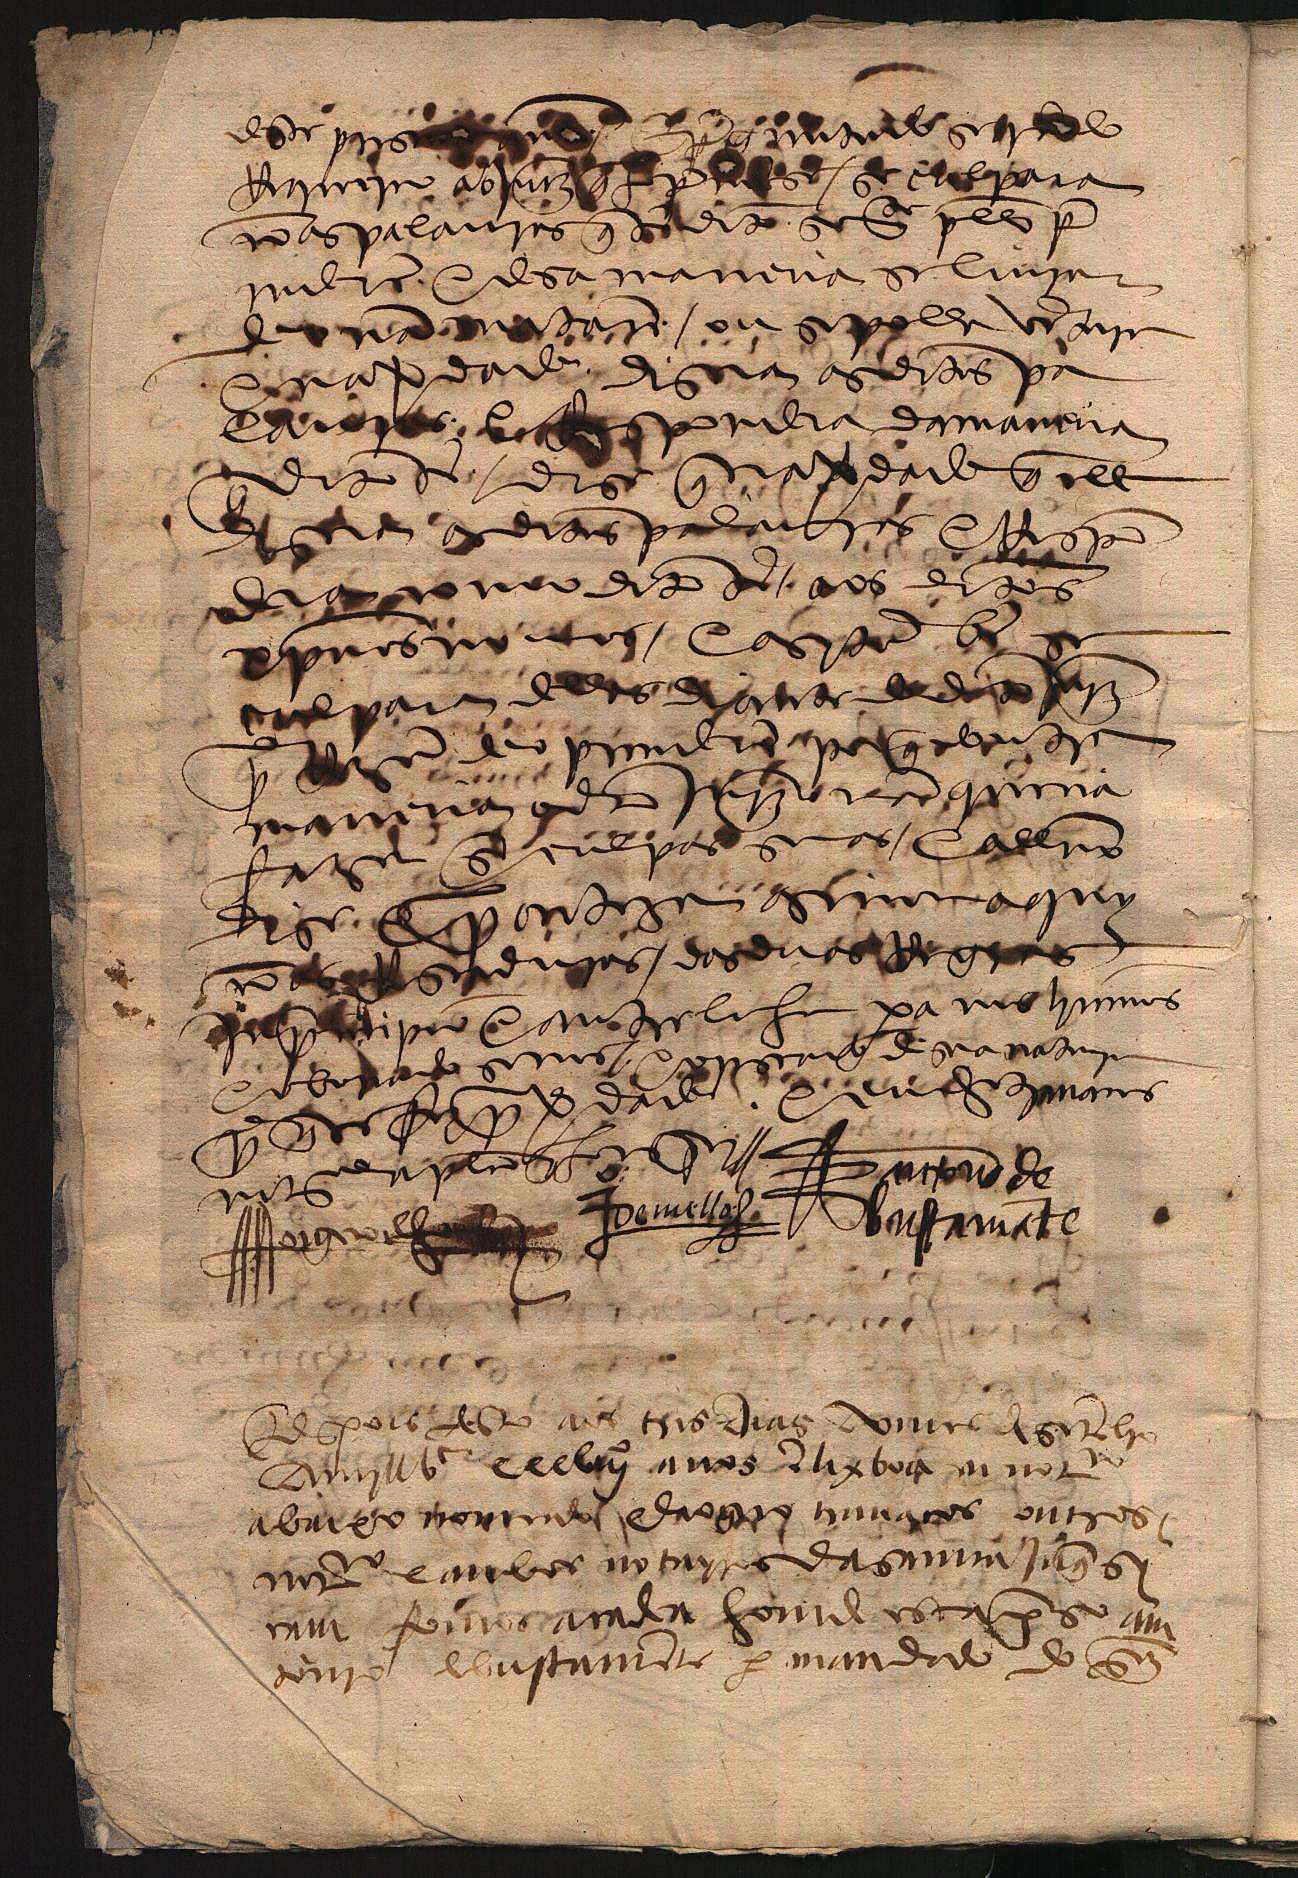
deste presente ano / E p̄gunyado se quādo
Requereo ao Juiz q̄ ho p̄ndese / se culpara
c̄o as palauras q̄ tē dito somte p̄llo p̄
mderē e desa maneira se liurar
de o nā matarē / ou se polla vētura
e na ꝟdade disera as ditas pa
lauras e Respondera da maneira
q̄ dito tē / dise q̄ era ꝟdade q̄ elle
disera as ditas palauras e Respō
dera como dito tē / aos ditos
xpãos nouos / e asy tābē se
culpara dellas diante do dito Jujz
p̄o Rezā de o prenderē porq̄ doutra
maneira o dt̄o Juiz o nā queria
fazer sē culpas suas / e all nō
dise e p̄o certeza asinou aquy
c̄o as Riscaduras / das duas Regras
Jn p̄ncipio e antrelinha ꝑa nos hirmos
e o borrado se nos / e o riscado de sua natura
p̄oq̄ se fez p̄o ꝟdade. e eu djo trauacos
notro ap̄lco q̄ ho esp̄vy //
Antonio de
bustamāte
J de mello
E despois desto aos tres dias do mes de setēbro
de mjll vc xxxbiijo anos ē lixboa eu notro
abaixo nomeado e dioguo trauacos outrosy
notro e anbos notayros da samta Jnq̄sy
çam fomos a cadea homde esta p̄so am
tonjo de bustamēte ꝑ mandado do s̄or
